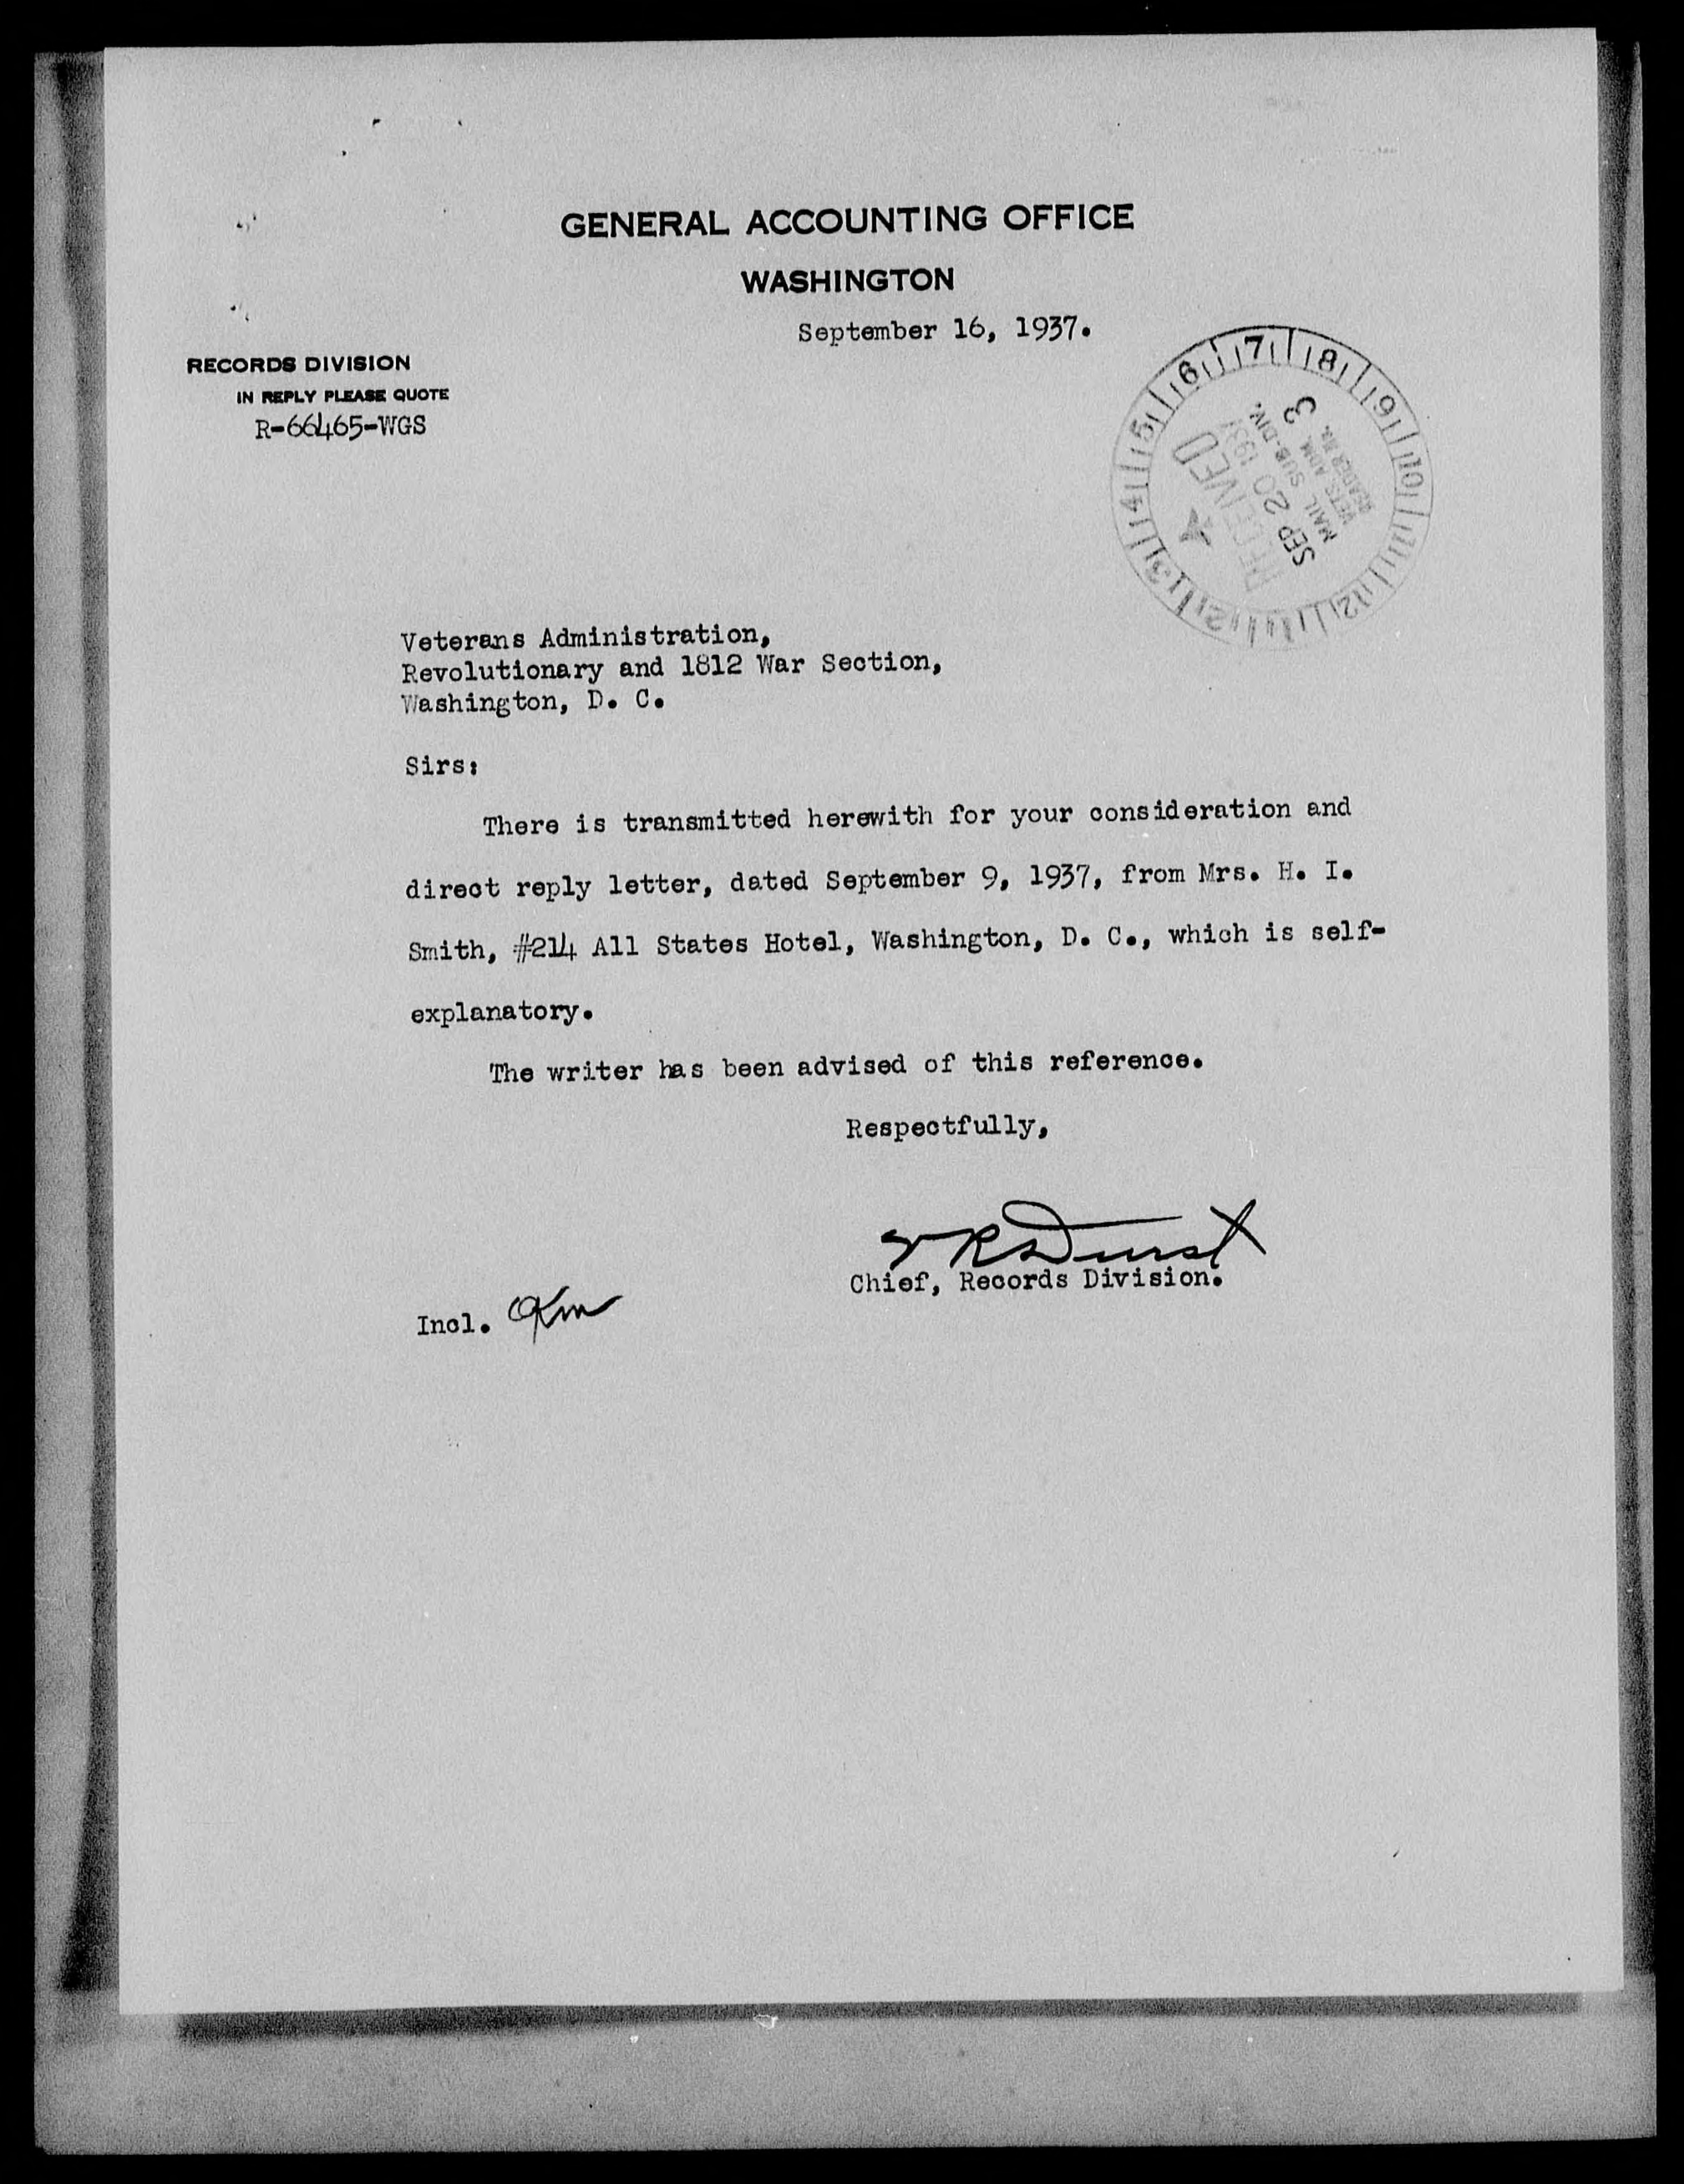Image 117 4160873_0017
Fold3 File #23857283

GENERAL ACCOUNTING OFFICE
WASHINGTON
September 16, 1937.
Veterans Administration, Revolutionary and 1812 War Section, Washing ton, D.C.

Sirs:
There is transmitted herewith for your consideration and direct reply letter, dated September 9, 1937, from Mrs. H. I. Smith, # 211 All States Hotel, Washington, D. C., which is self-explanatory.
The writer has been advised of this reference.
Respectfully,
[Illegible]
Chief, Records Division

Incl km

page: 59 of 71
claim: widow's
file: W. 8428, for James Mc Gill, Pennsylvania